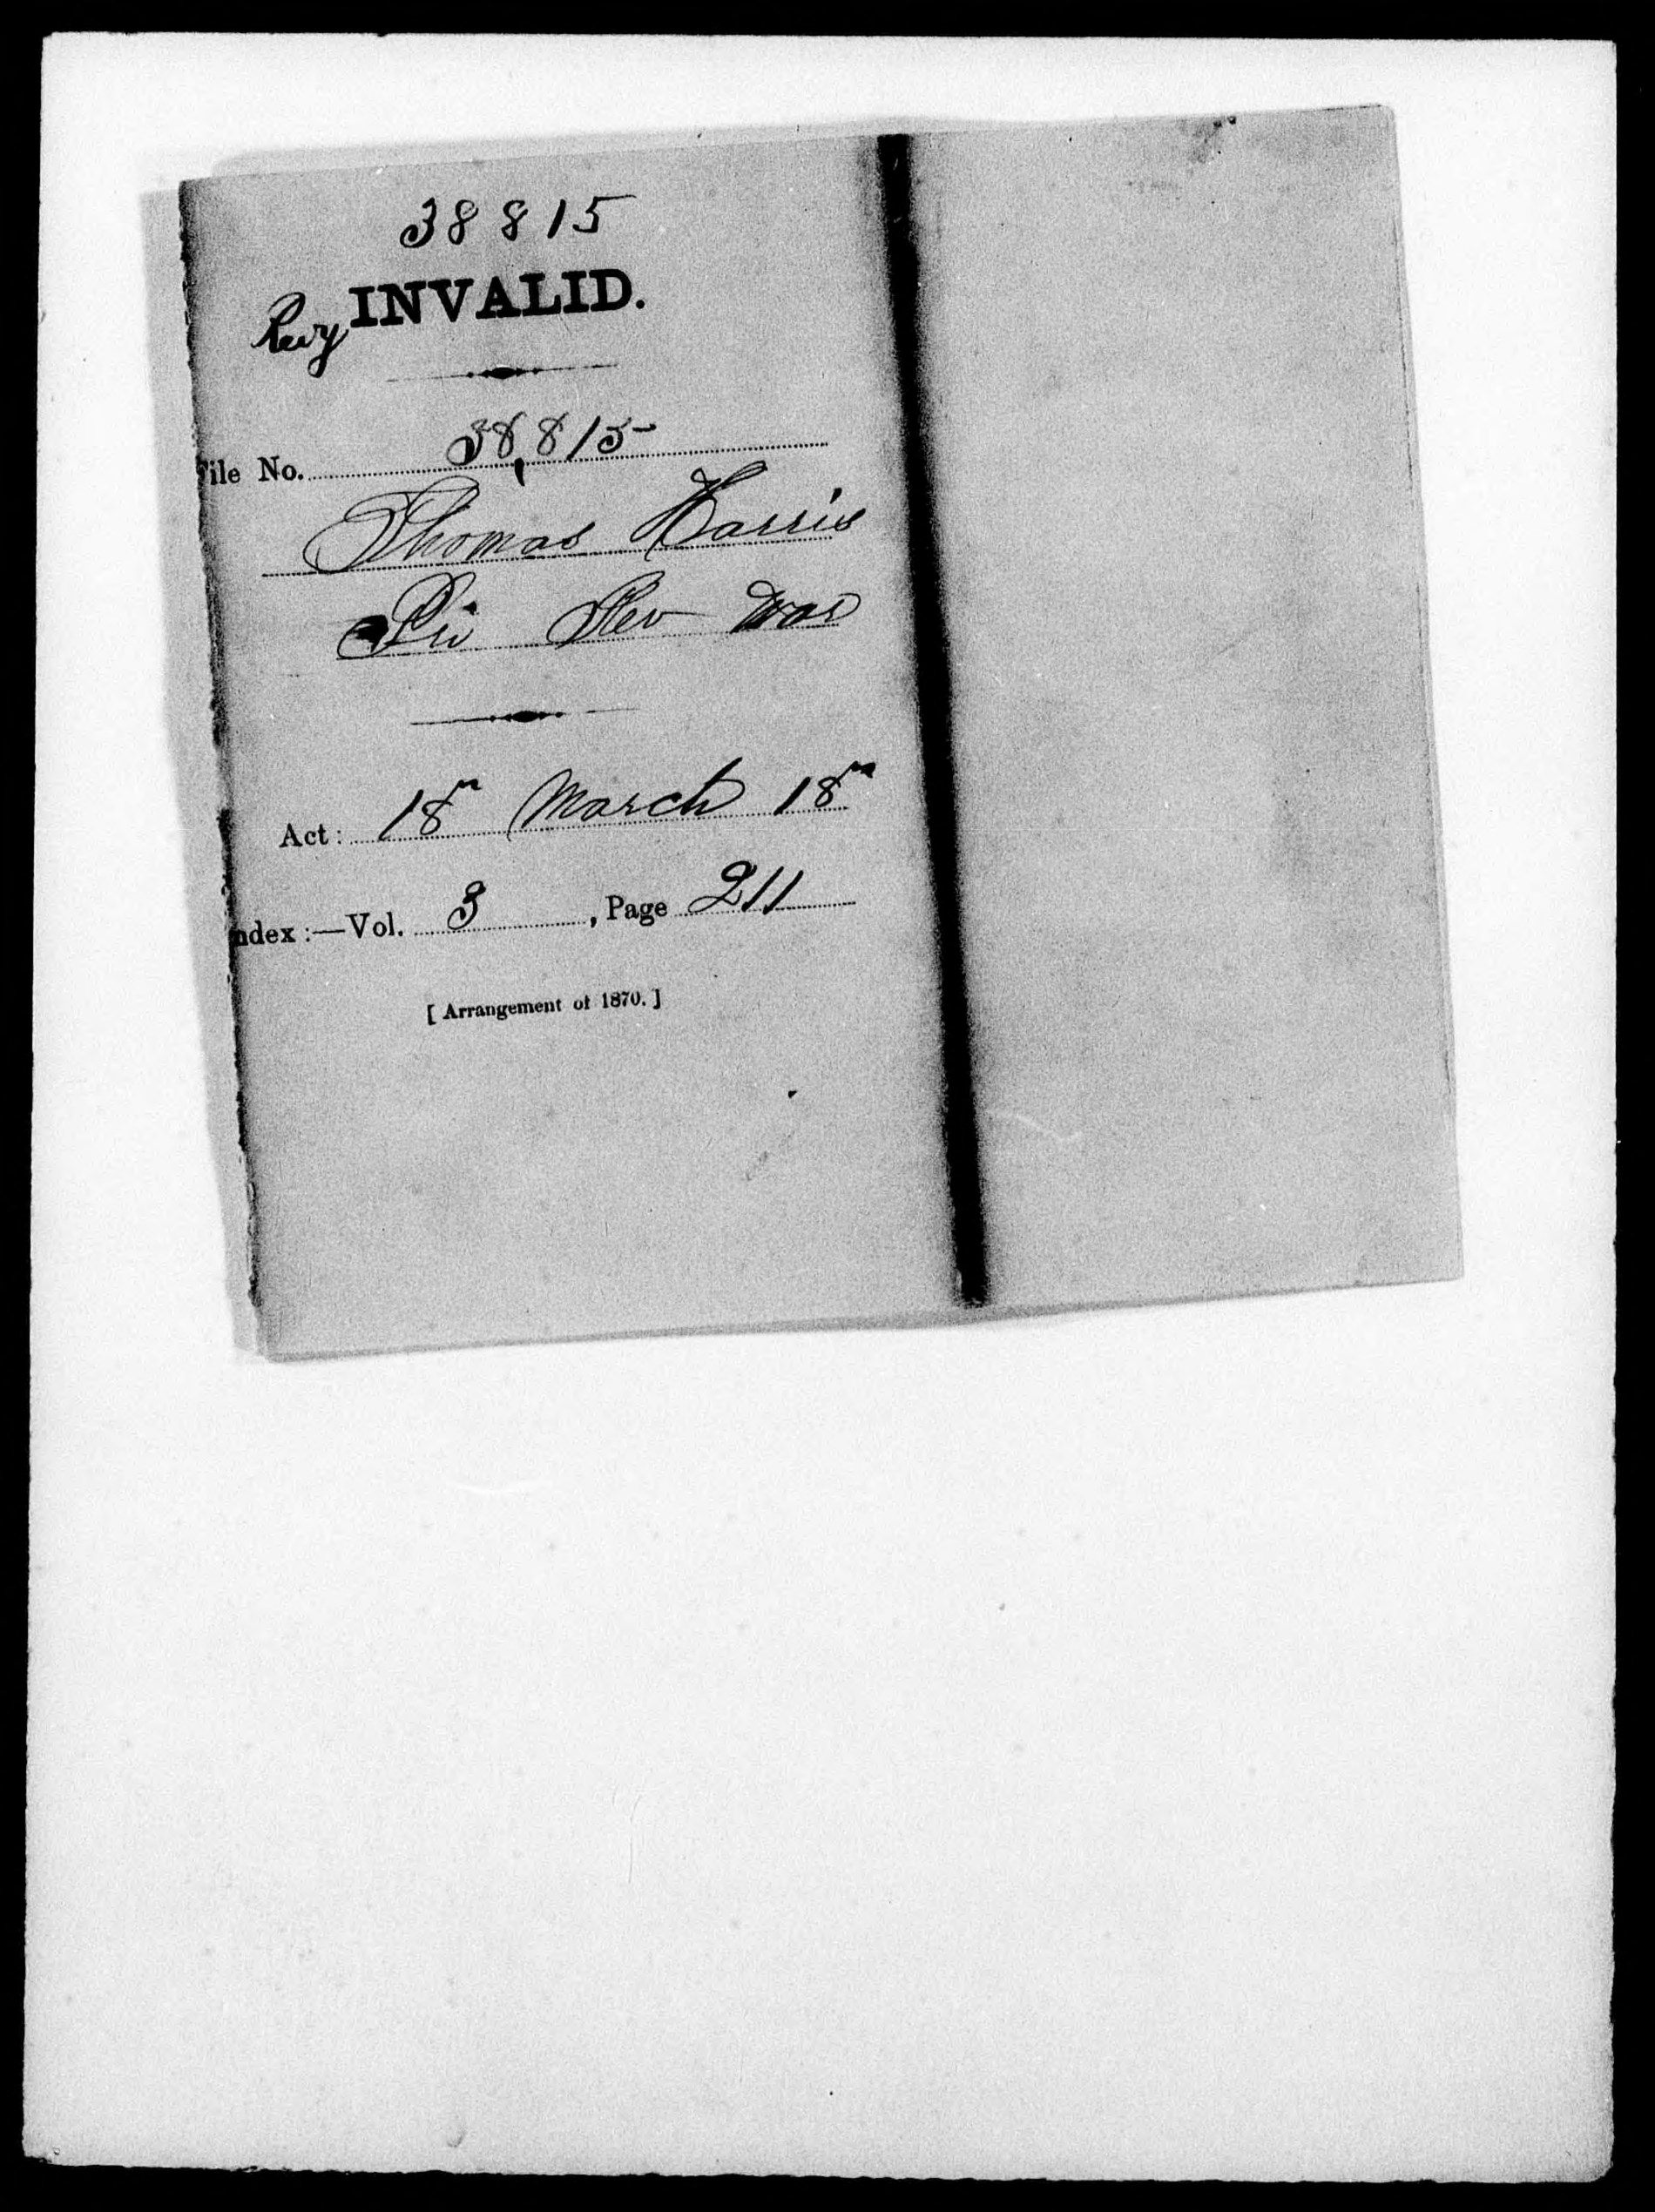38815 Revy Invalid. File No. 38815 Thomas Harris Pri. Rev War Act 18th March 18
Index: - Vol. 3, Page 211 [Arrangement of 1870.]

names: Thomas Harris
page: 10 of 16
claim: survivor's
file: S. 38815, Thomas Harris, R.I.